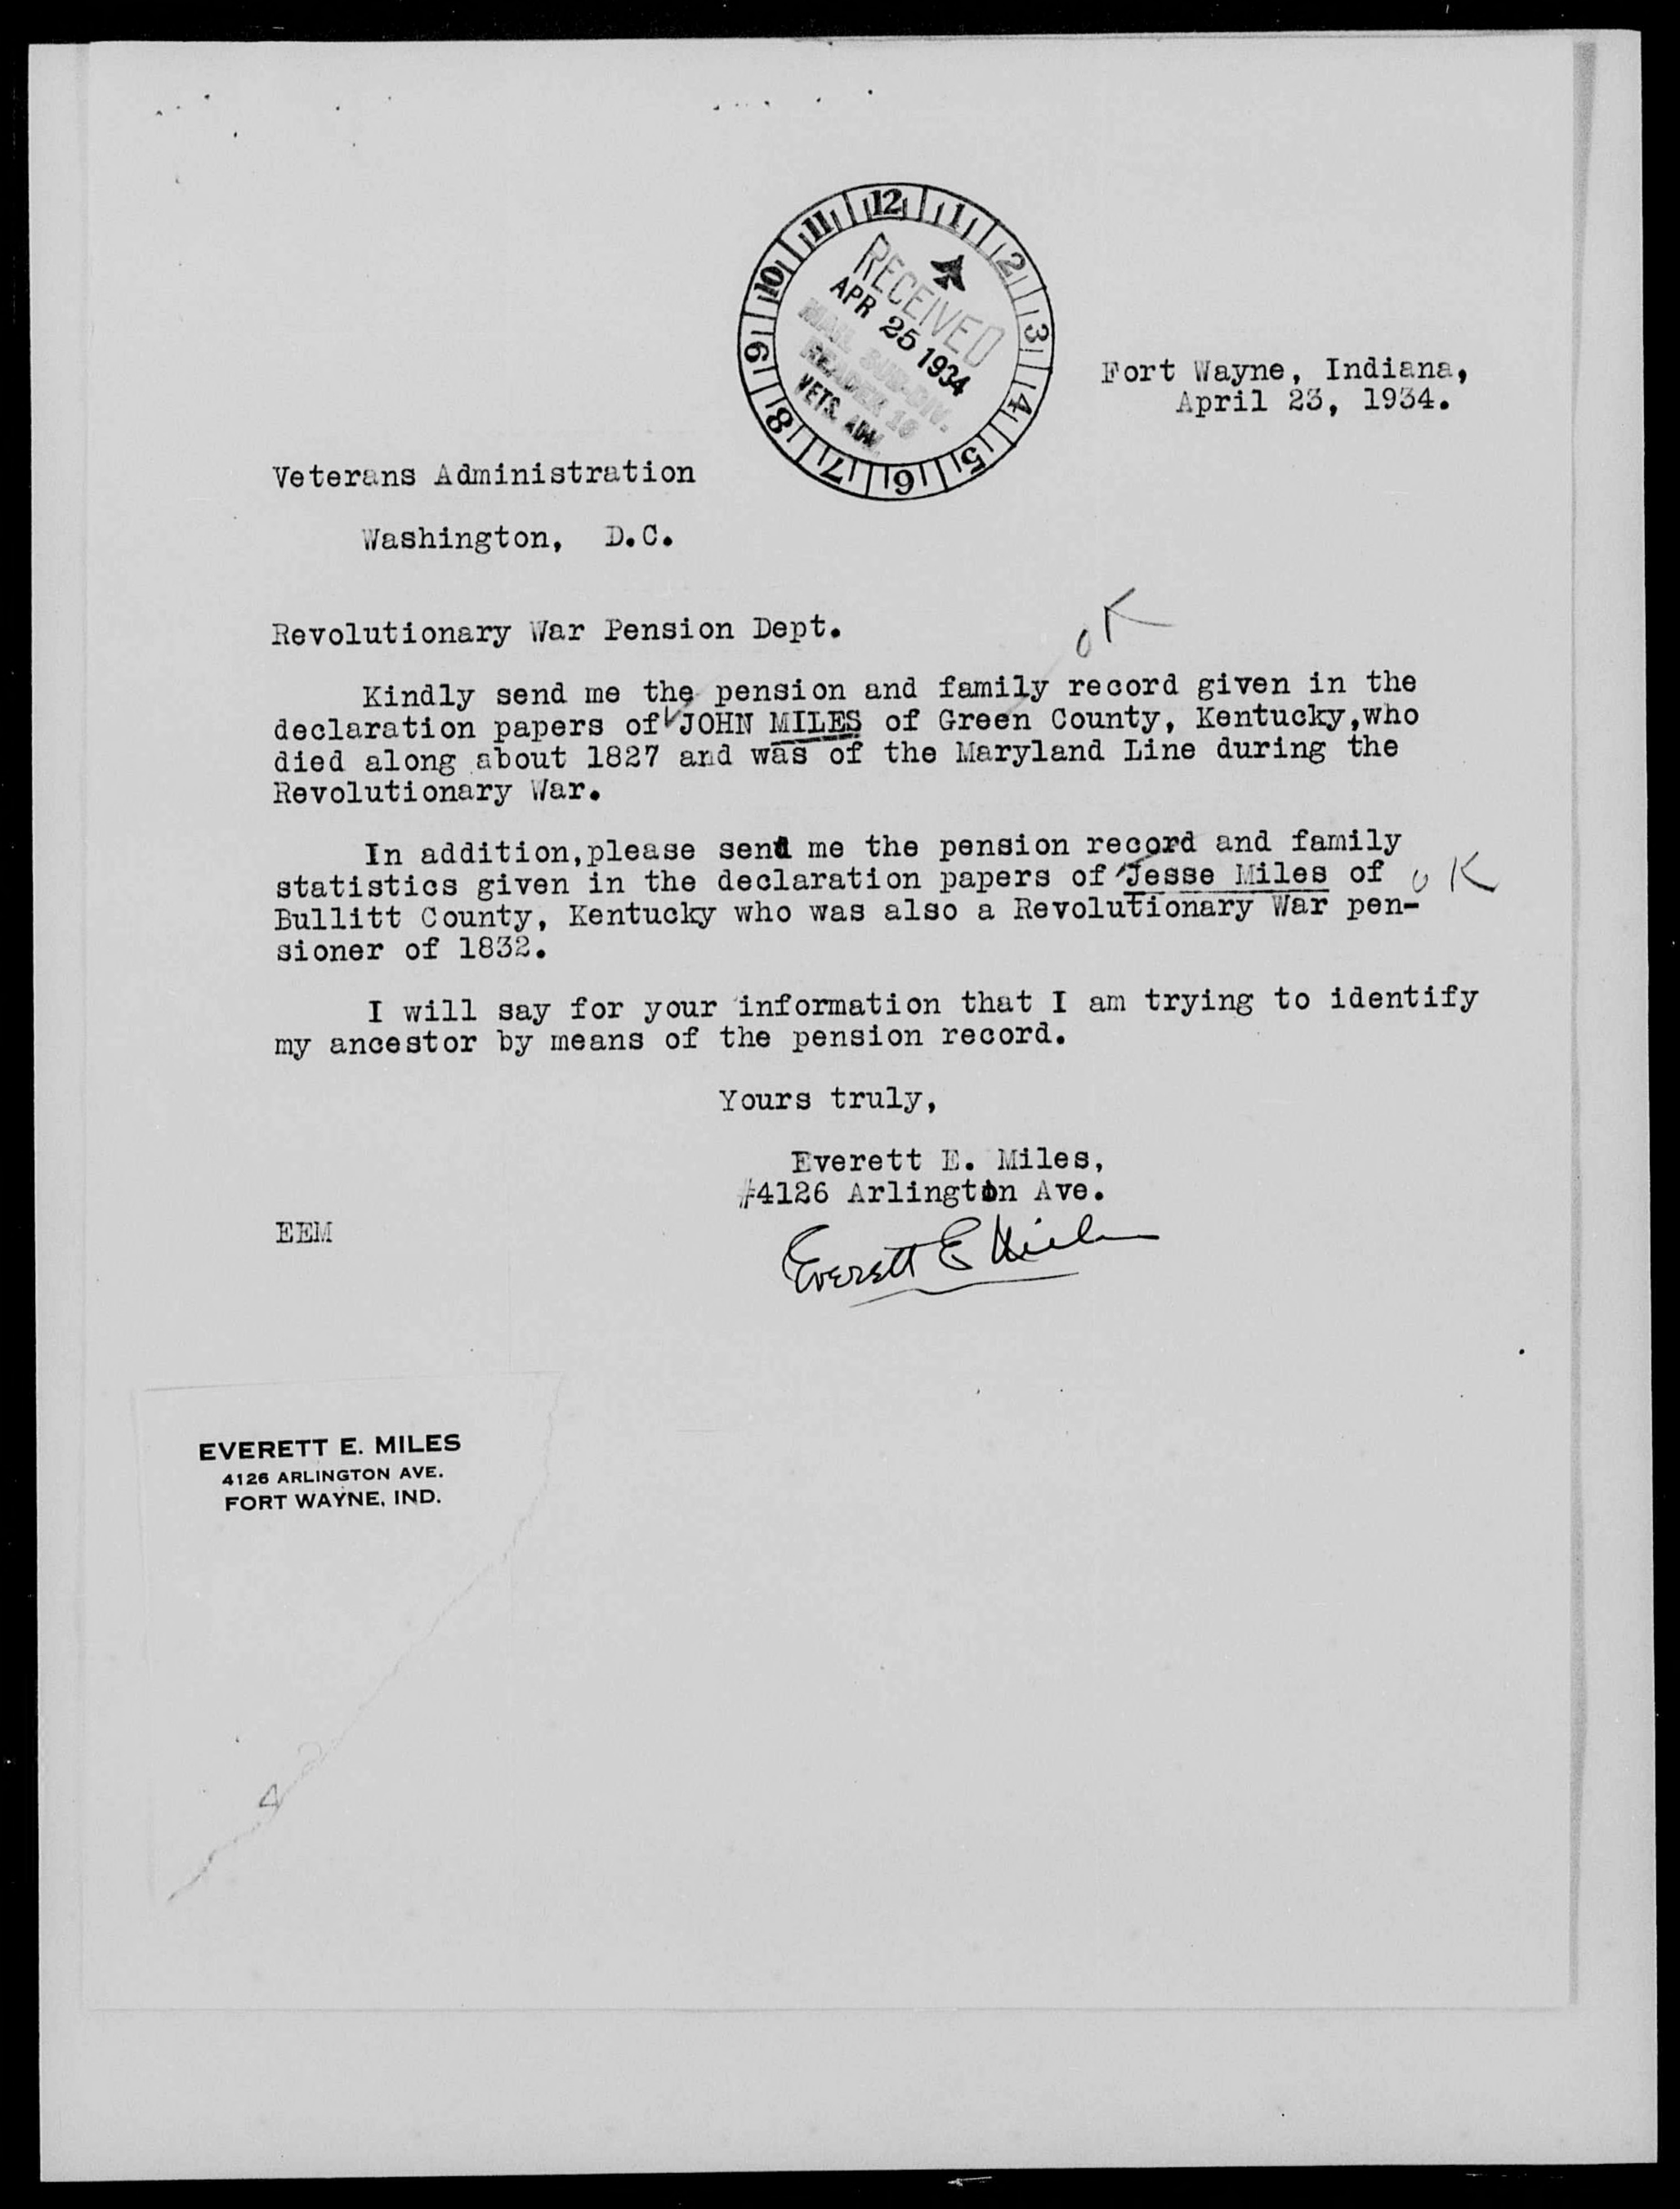[stamp]
RECEIVED
APR 25 1934
MAIL SUB-DIV
READER 18
VETS, ADM

[on right side]
Fort Wayne, Indiana
April 23, 1934.

Veterans Administration
Washington, D.C.

Revolutionary War Pension Dept.

Kindly send me the pension and family record given in the declaration papers of JOHN MILES of Green County, Kentucky, who died along about 1827 and was of the Maryland Line during the Revolutionary War.

In addition, please send me the pension record and family statistics given in the declaration papers of Jesse Miles of Bullitt County, Kentucky who was also a Revolutionary War pensioner of 1832.

I will say for your information that I am trying to identify my ancestor by means of the pension record. 

Yours truly
Everett E. Miles
#4126 Arlington Ave.
[signed] Everett E. Miles

EEM


[return address attached]
EVERETT E. MILES
4126 ARLINGTON AVE.
FORT WAYNE, IND.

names: John Miles; Jesse Miles; Everett E Miles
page: 19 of 24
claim: survivor's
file: S 36138, for John Miles, Maryland